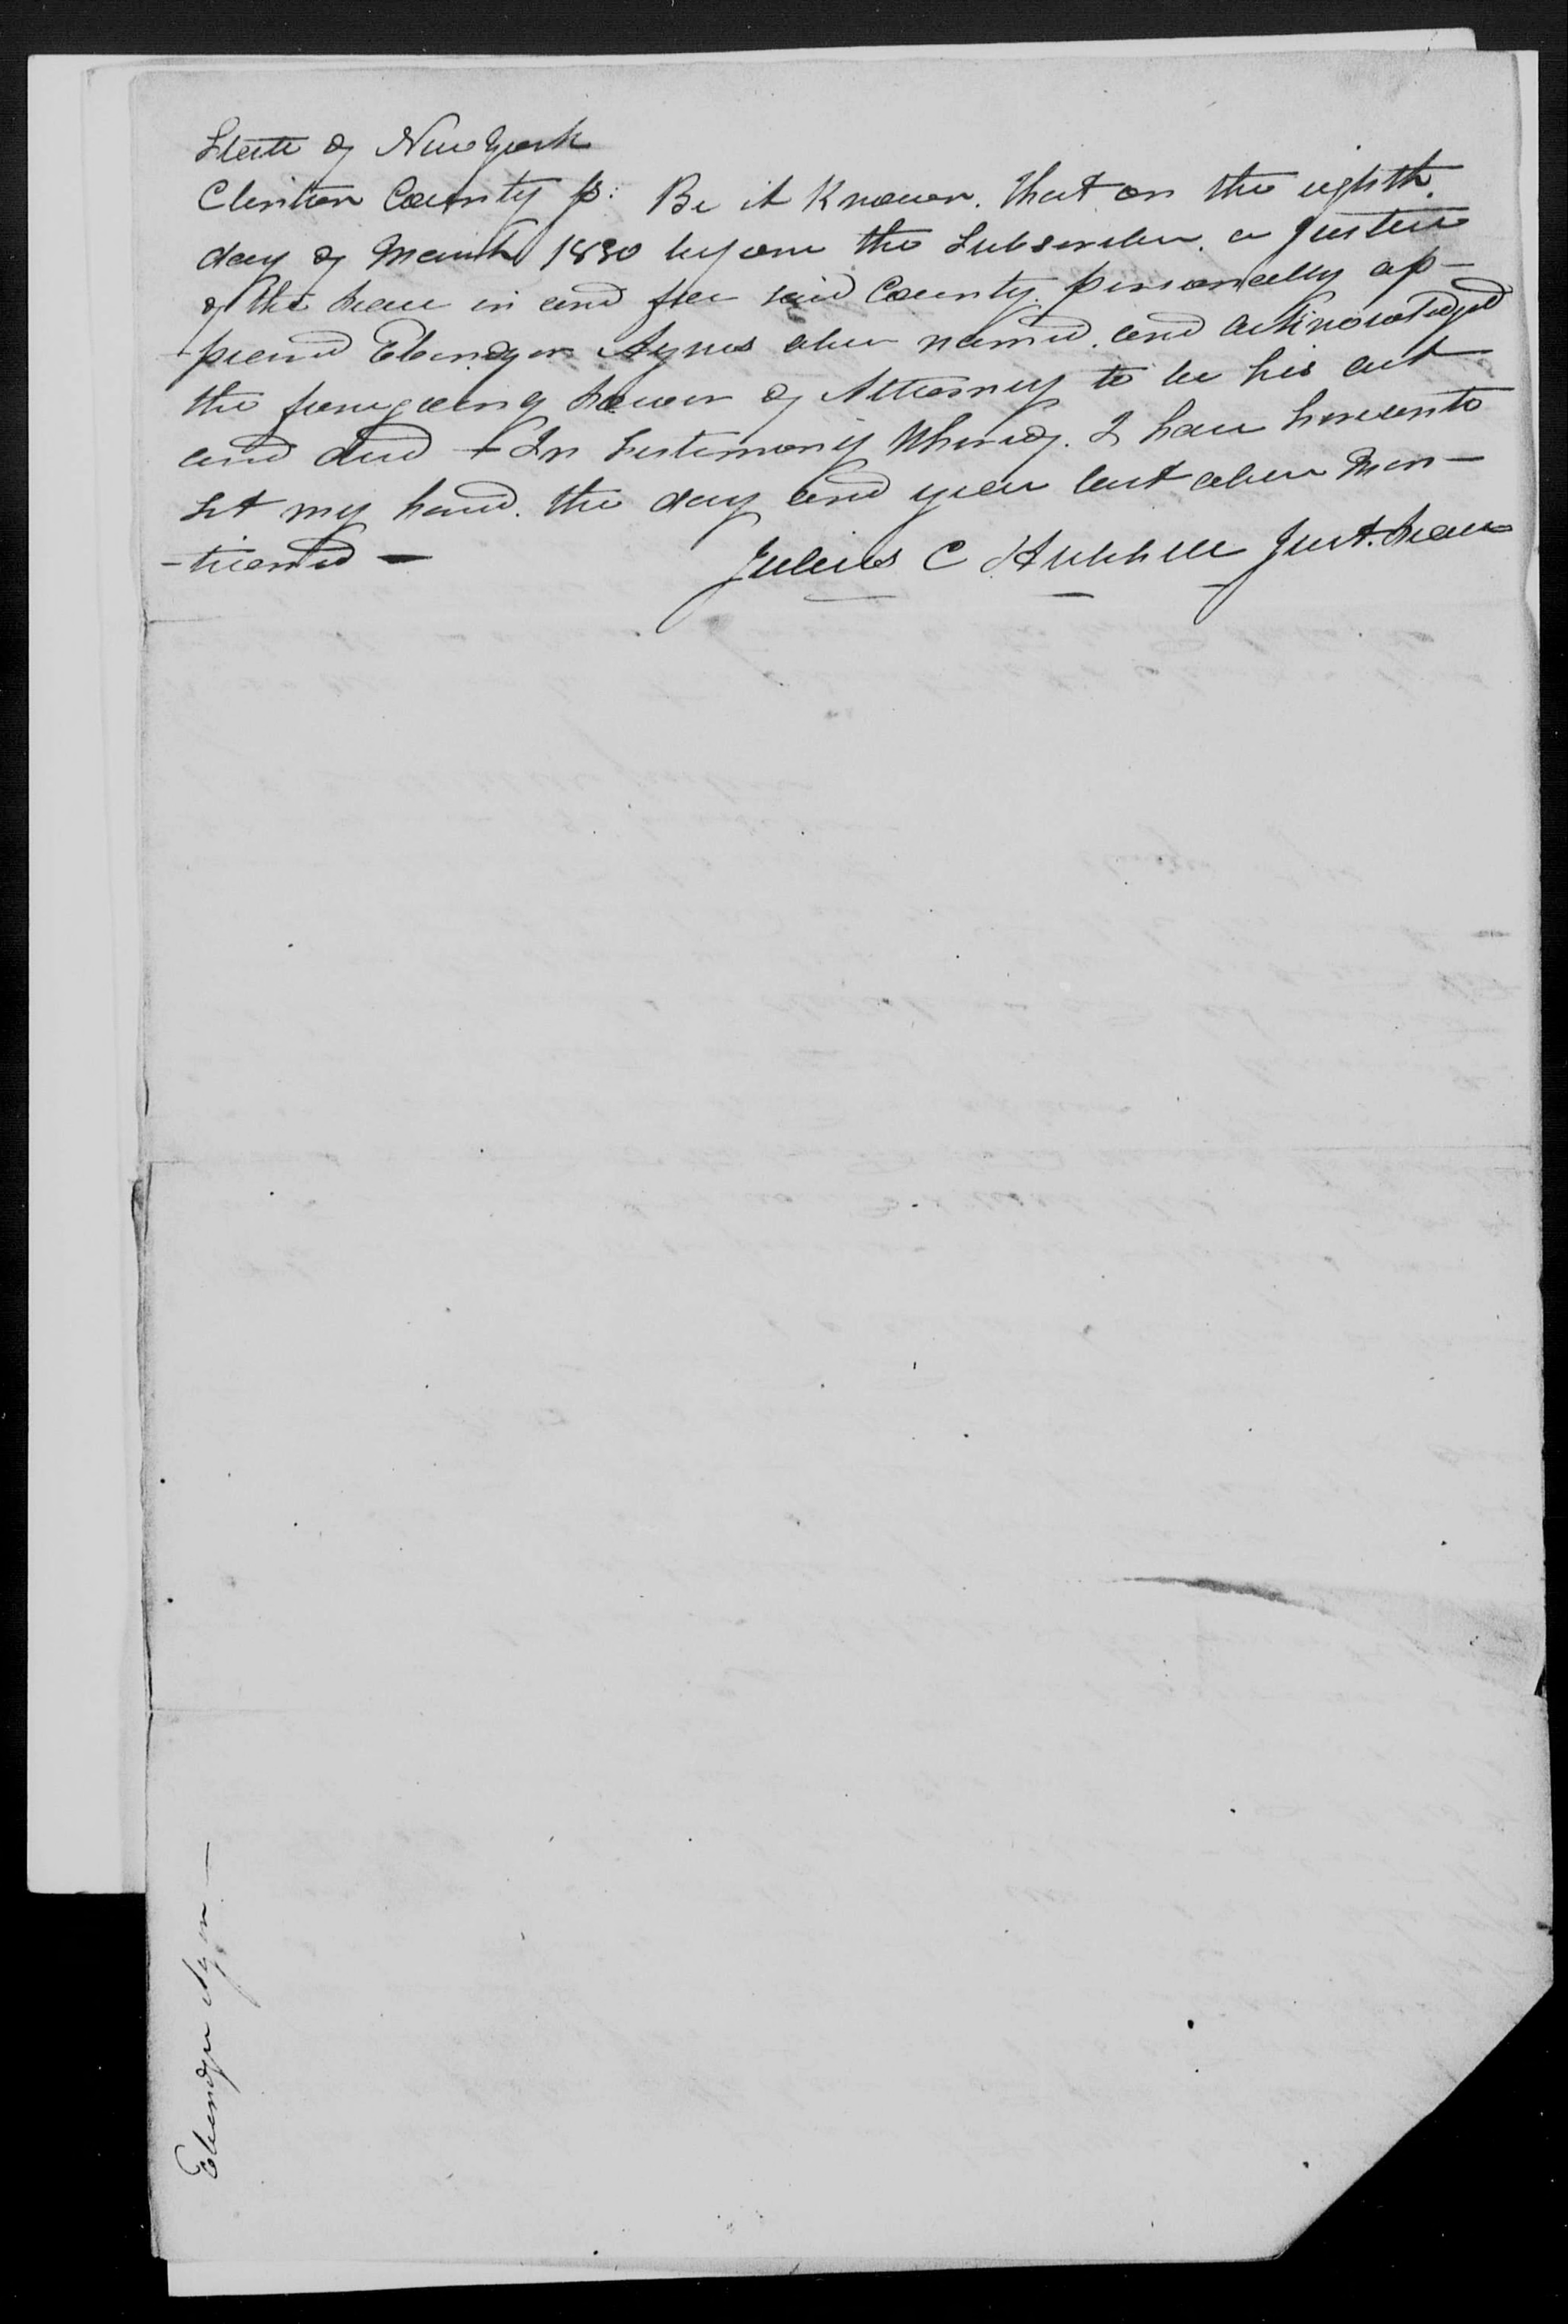State of New York
Clinton County ss.
Be it Known.  That on the eighth day of March 1830 before the subscriber a Justice of the Peace in and for said County, personally appeared Ebenezer Ayres above named and acknowledged the foregoing Power of Attorney to be his act and deed - In testimony whereby I have hereunto set my hand, the day and year last above mentioned—
Julius C. Hubbell Just. Peace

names: Julius C Hubbell, Ebenezer Ayres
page: 35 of 50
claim: widow's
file: W. 8559, Ebenezer Ayer, Continental (Conn)